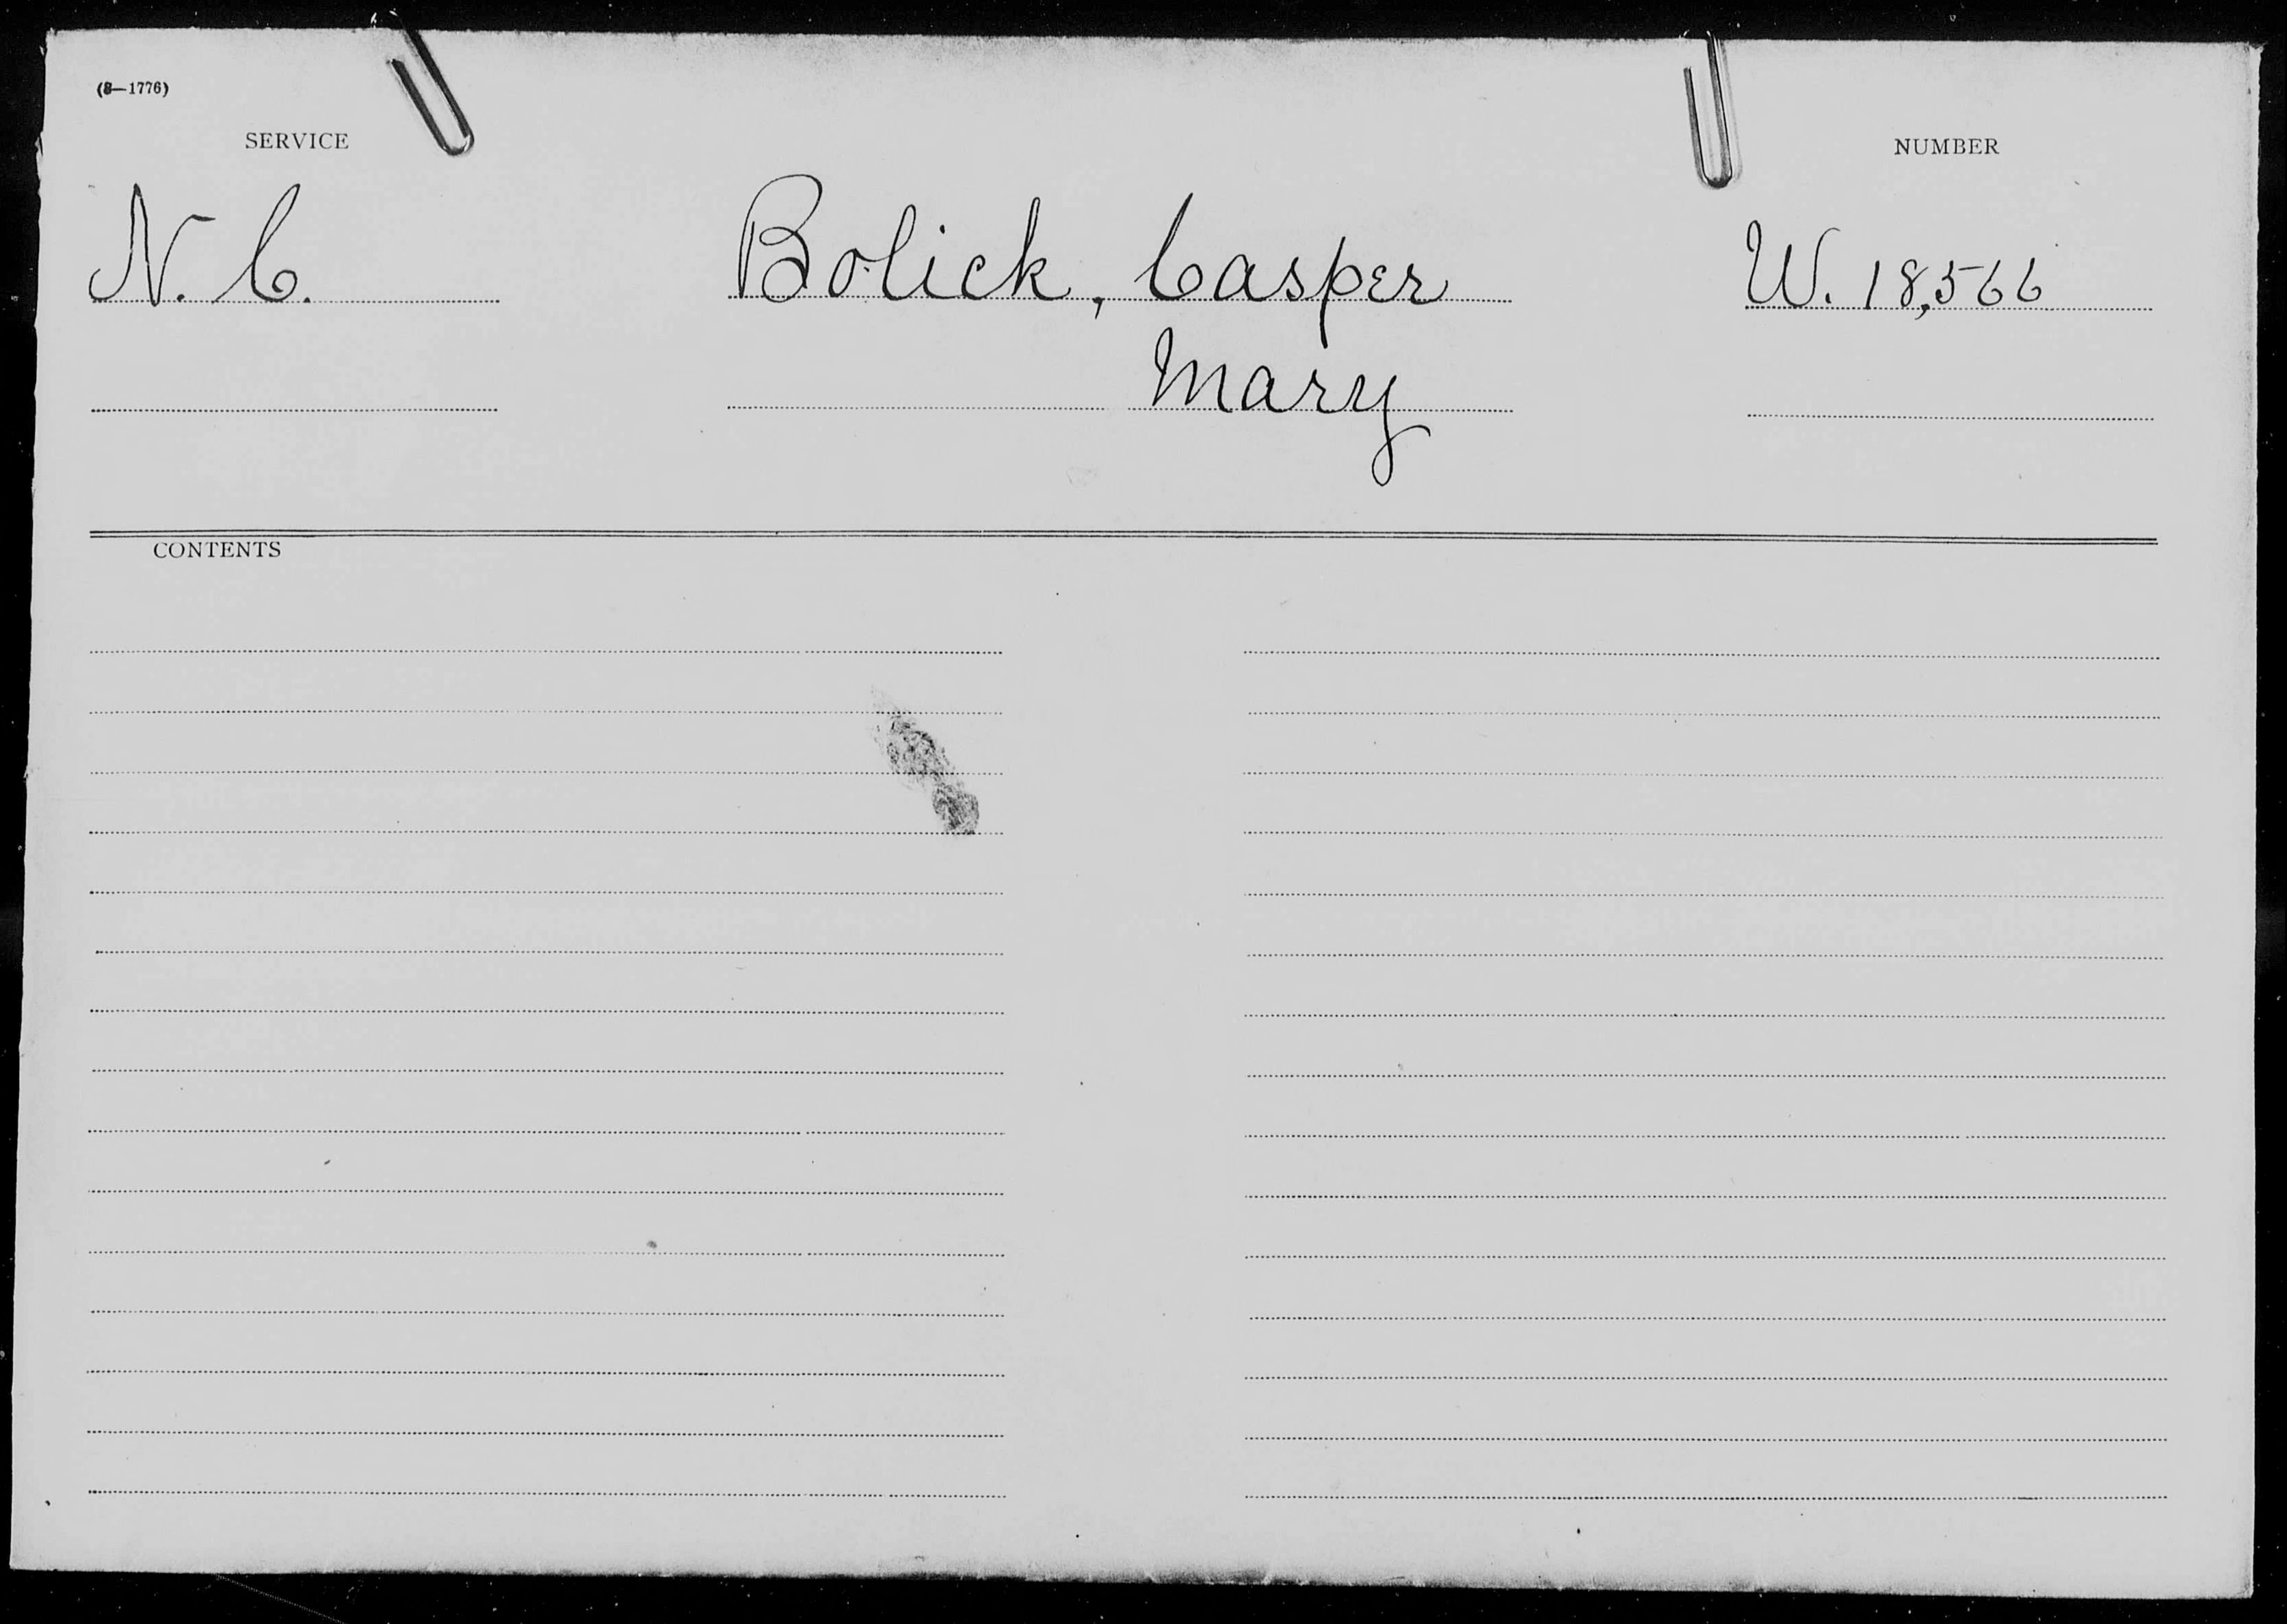(8-1776)

SERVICE
N.C.

Bolick, Casper
            Mary

NUMBER
W. 18,566


CONTENTS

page: 1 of 43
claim: widow's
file: W. 18,566, Casper Bolick, N.C.